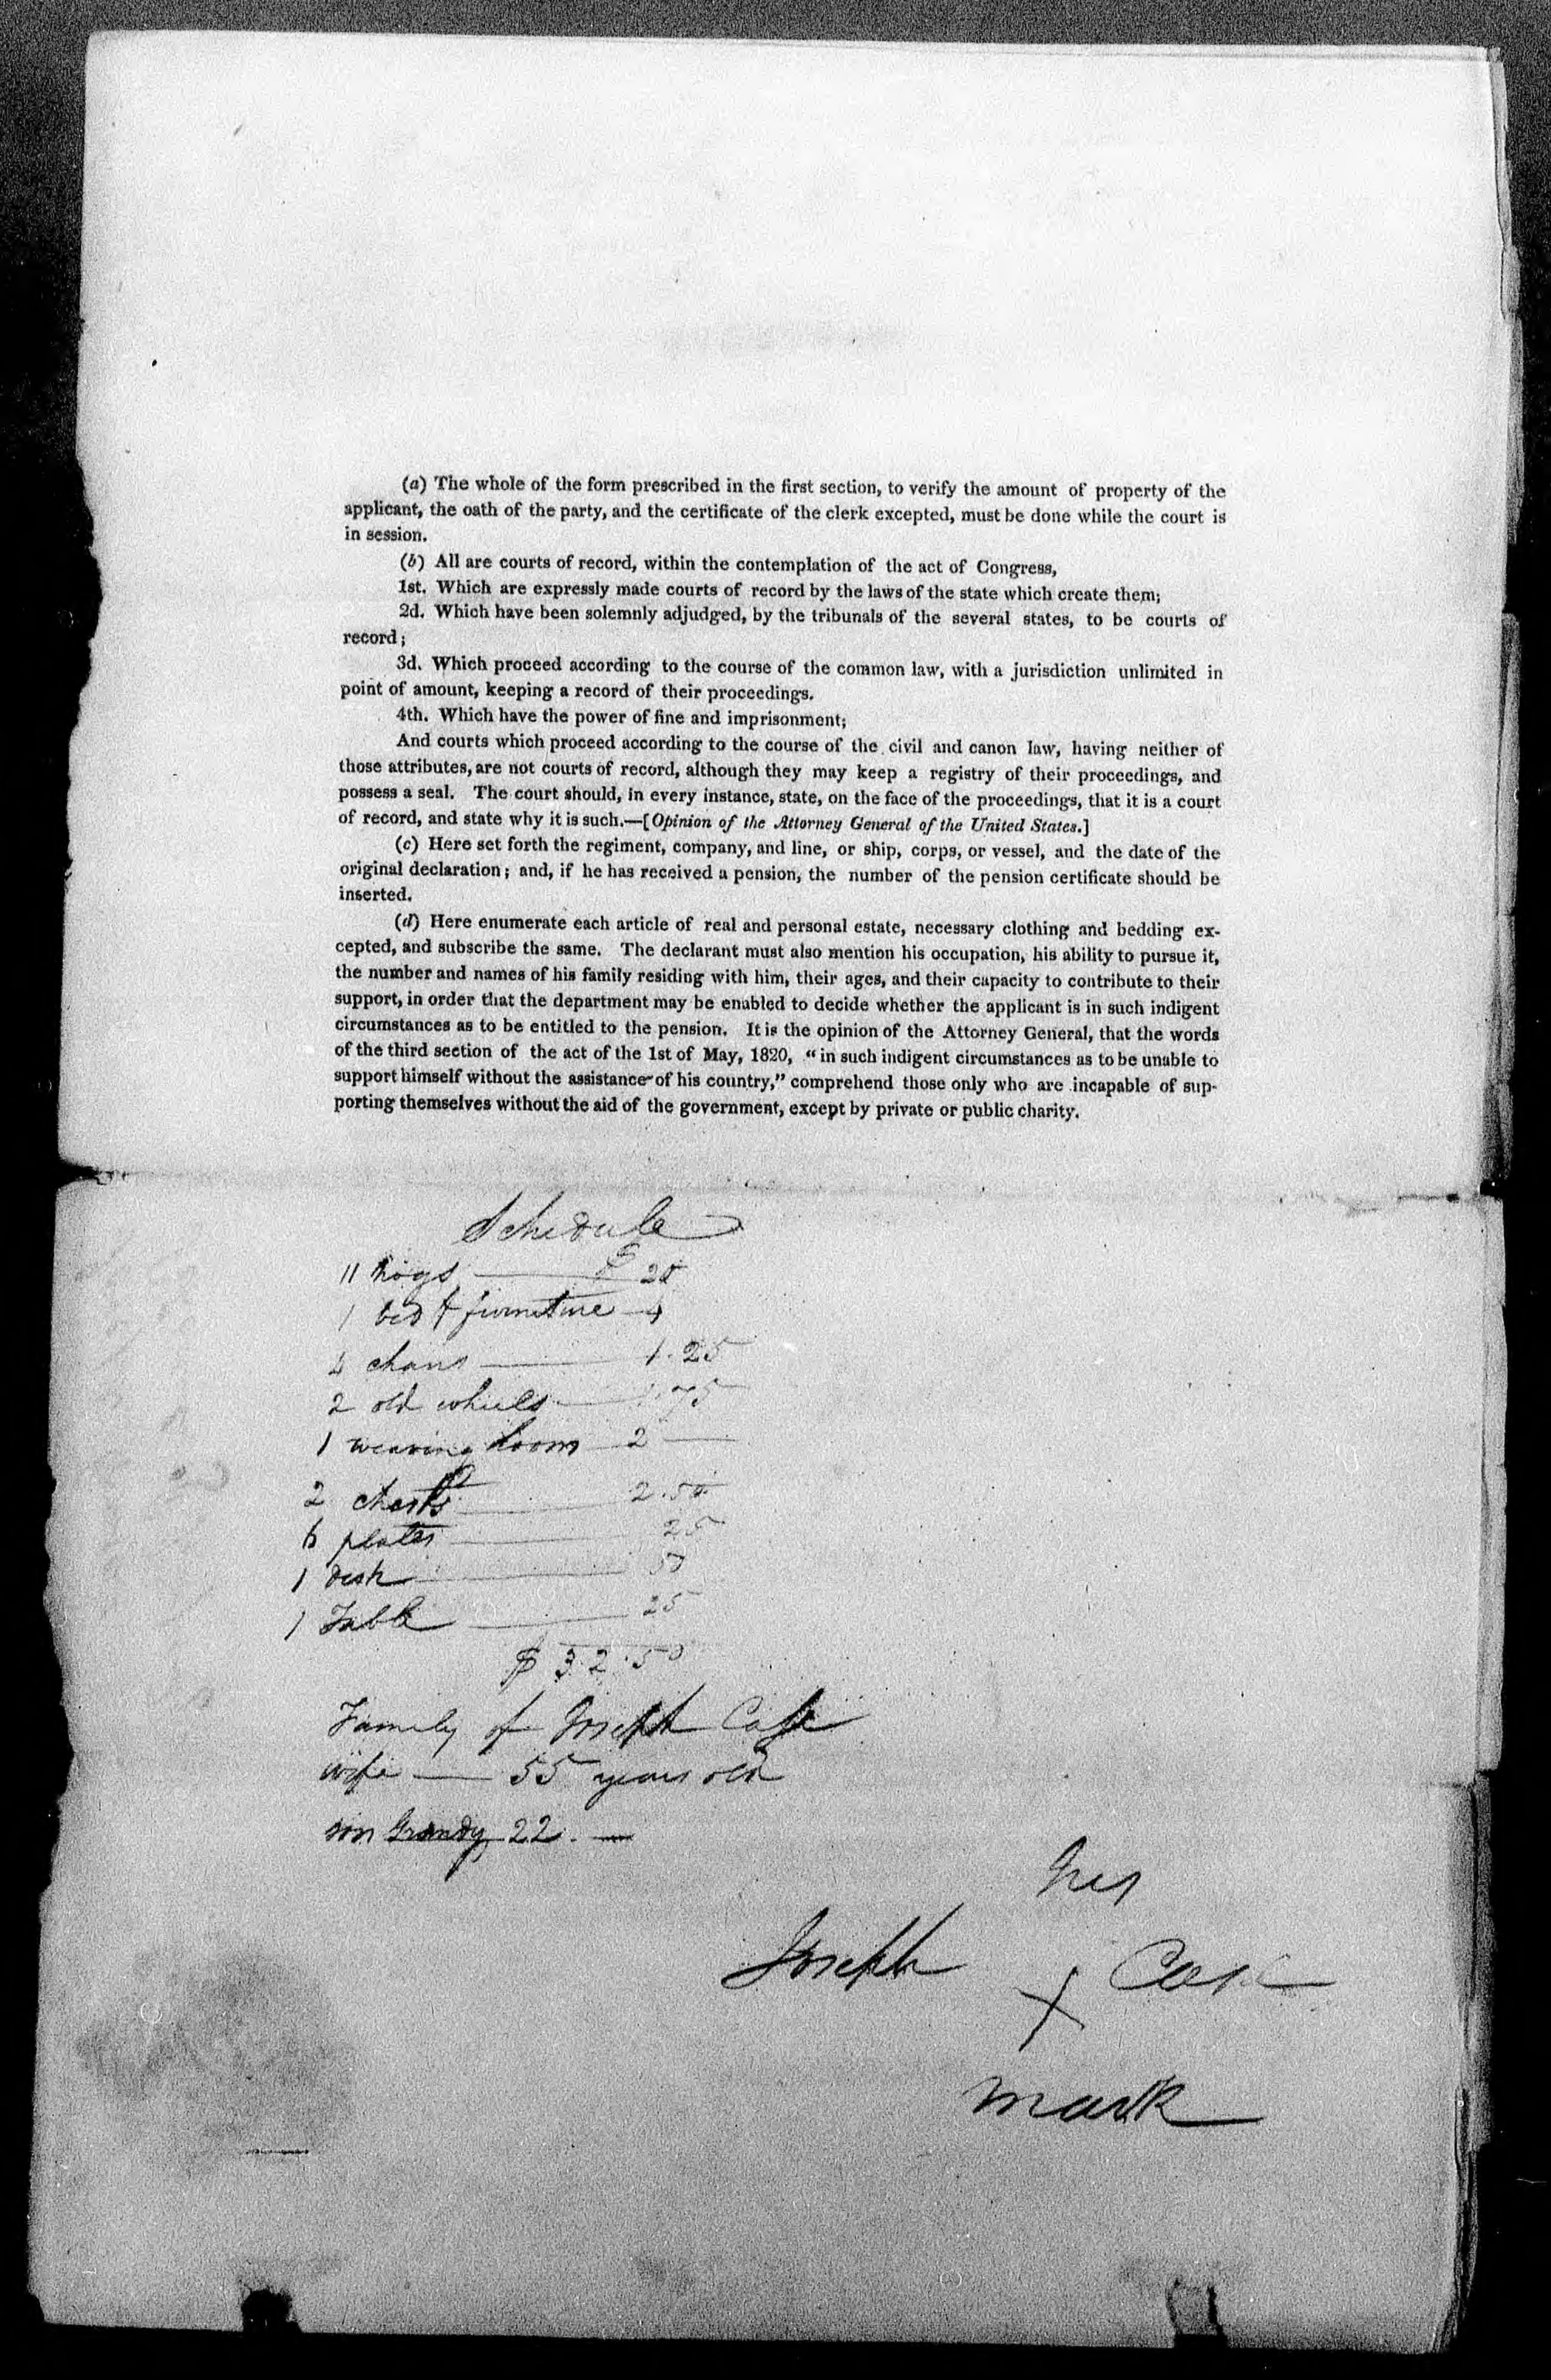(a) The whole of the form prescribed in the first section, to verify the amount of property of the applicant, the oath of the party, and the certificate of the clerk excepted, must be done while the court is in session.

(b) All are courts of record, within the contemplation of Congress,
1st. Which are expressly made courts of record by the laws of the state which create them;
2d. Which have been solemnly adjudged, by the tribunals of the several states, to be courts of record;
3d. Which proceed according to the course of the common law, with a jurisdiction unlimited in point of amount, keeping a record of their proceedings.
4th Which have the power of fine and imprisonment;
And the courts which proceed according to the course of the civil and cannon law, having neither of those attributes, are not courts of record, although they may keep a registry of their proceedings, and possess a seal.  The court should, in every instance, state, on the face of the proceedings, that it is a court of record, and state why it is such. -(Opinion of the Attorney General of the United States.)

(c) Here set for the regiment, company, and line, or ship, corps, or vessel, and the date of the original declaration; and, if he has received a pension, the number of the pension certificate should be inserted.

(d) Here enumerate each article of real and personal estate, necessary clothing and bedding excepted, and subscribe the same.  The declarant must also mention his occupation, his ability to pursue it, the number and names of his family residing with him, their ages, and their capacity to contribute to their support, in order that the department may be enabled to decide whether the applicant is in such indigent circumstances as to be entitled to a pension.  It is the opinion of the Attorney General, that the words of the third section of the act of the1st of May, 1820, "in such indigent circumstances as to be unable to support  himself without the assistance of his country," comprehend those only who are incapable of supporting themselves with the aid of the government, except by private or public charity.

Schedule
11 hogs --- $20
1 bed of furniture - 4
4 chairs - 1.25
2 old wheels -1 
1 sewing loom - 2
2 charts - 2.50
6 plates - 2
1 desk - .50
1 table - .25
$32.50

Family of Joseph Case
wife -- 55 years old
Son, Grandy, 22

[signed] Joseph Case, X Mark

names: Joseph Case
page: 9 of 20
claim: survivor's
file: S. 41472, Joseph Case, N.C.